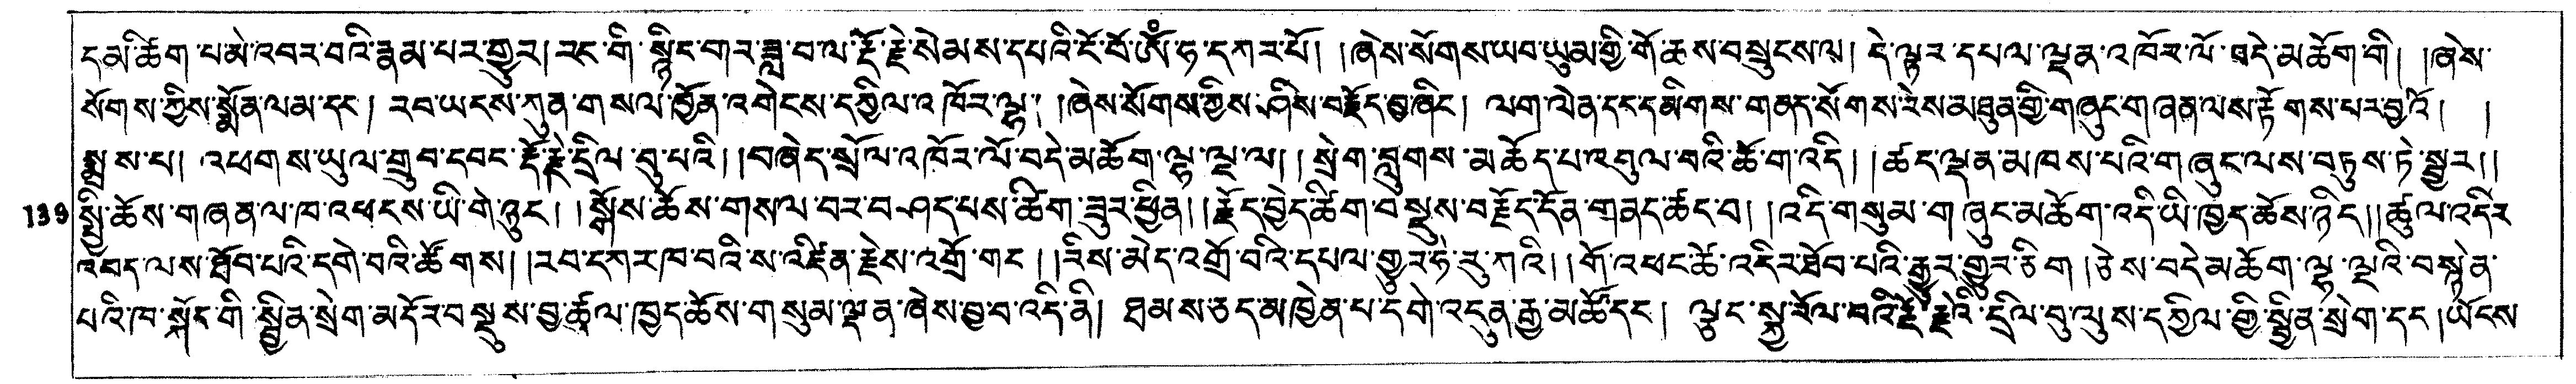དམ་ཚིག་པ་མེ་འབར་བའི་རྣམ་པར་གྱུར། རང་གི་སྙིང་གར་ཟླ་བ་ལ་རྡོ་རྗེ་སེམས་དཔའི་ངོ་བོ་ཨོཾ་ཧ་དཀར་པོ། །ཞེས་སོགས་ཡབ་ཡུམ་གྱི་གོ་ཆས་བསྲུངས་ལ། དེ་ལྟར་དཔལ་ལྡན་འཁོར་ལོ་བདེ་མཆོག་གི། །ཞེས་
སོགས་ཀྱིས་སྨོན་ལམ་དང་། རབ་ཡངས་ཀུན་གསལ་ཁྱོན་འགེངས་དཀྱིལ་འཁོར་ལྷ། །ཞེས་སོགས་ཀྱིས་ཤིས་བརྗོད་བྱ་ཞིང་། ལག་ལེན་དང་དམིགས་གནད་སོགས་རེས་མཐུན་གྱི་གཞུང་གཞན་ལས་རྟོགས་པར་བྱའོ། །
སྨྲས་པ། འཕགས་ཡུལ་གྲུབ་དབང་རྡོ་རྗེ་དྲིལ་བུ་པའི། །བཞེད་སྲོལ་འཁོར་ལོ་བདེ་མཆོག་ལྷ་ལྔ་ལ། །སྲེག་བླུགས་མཆོད་པ་འབུལ་བའི་ཆོ་ག་འདི། །ཚད་ལྡན་མཁས་པའི་གཞུང་ལས་བཏུས་ཏེ་སྦྱར། །
སྤྱི་ཆོས་གཞན་ལ་ཁ་འཕངས་ཡི་གེ་ཉུང་། །སྒོས་ཆོས་གསལ་བར་བཤད་པས་ཚིག་ཟུར་ཕྱིན། །རྗོད་བྱེད་ཚིག་བསྡུས་བརྗོད་དོན་གནང་ཚང་བ། །འདི་གསུམ་གཞུང་མཆོག་འདི་ཡི་ཁྱད་ཆོས་ཉིད། །ཚུལ་འདིར་
འབད་ལས་ཐོབ་པའི་དགེ་བའི་ཚོགས། །རབ་དཀར་ཁ་བའི་ས་འཛིན་རྗེས་འགྲོ་གང་། །རིས་མེད་འགྲོ་བའི་དཔལ་གྱུར་ཧེ་རུ་ཀའི། །གོ་འཕང་ཚེ་འདིར་ཐོབ་པའི་རྒྱུར་གྱུར་ཅིག །ཅེས་བདེ་མཆོག་ལྷ་ལྔའི་བསྙེན་
པའི་ཁ་སྐོང་གི་སྦྱིན་སྲེག་མདོར་བསྡུས་བྱ་ཚུལ་ཁྱད་ཆོས་གསུམ་ལྡན་ཞེས་བྱ་བ་འདི་ནི། ཐམས་ཅད་མཁྱེན་པ་དགེ་འདུན་རྒྱ་མཚོ་དང་། ལྕང་སྐྱ་རོལ་བའི་རྡོ་རྗེའི་དྲིལ་བུ་ལུས་དཀྱིལ་གྱི་སྦྱིན་སྲེག་དང་། ཡོངས་